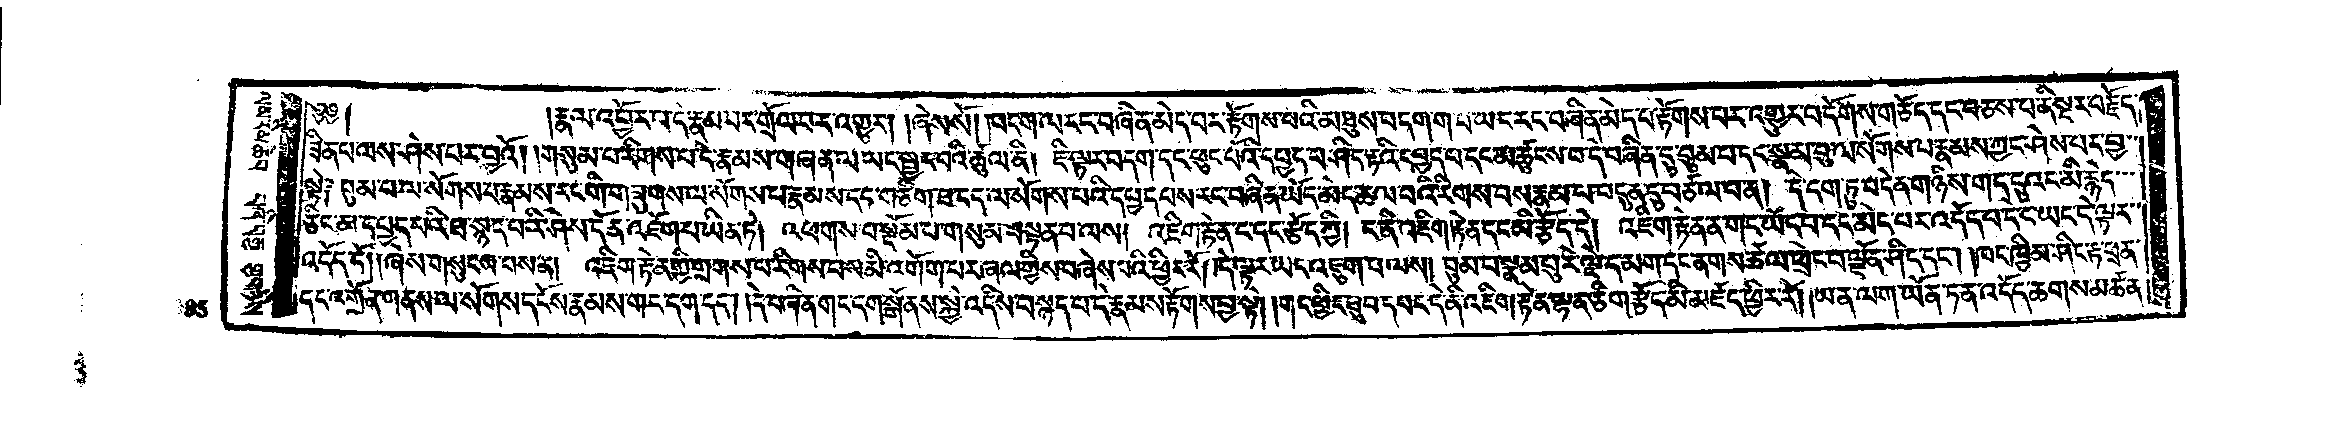༄༅། །རྣལ་འབྱོར་པ་དེ་རྣམ་པར་གྲོལ་བར་འགྱུར། །ཞེས་སོ། །བདག་ལ་རང་བཞིན་མེད་པར་རྟོགས་པའི་མཐུས་བདག་གི་བ་ཡང་རང་བཞིན་མེད་པ་རྟོགས་པར་འགྱུར་བ་དོགས་གཅོད་དང་བཅས་པ་ནི་སྔར་བརྗོད་
ཟིན་པ་ལས་ཤེས་པར་བྱའོ། །གསུམ་པ་རིགས་པ་དེ་རྣམས་གཞན་ལ་ཡང་སྦྱར་བའི་ཚུལ་ནི། ཇི་ལྟར་བདག་དང་ཕུང་པོའི་དཔྱད་པ་ཤིང་རྟའི་དཔྱད་པ་དང་མཚུངས་པ་དེ་བཞིན་དུ་བུམ་པ་དང་སྣམ་བུ་ལ་སོགས་པ་རྣམས་ཀྱང་ཤེས་པར་བྱ་
སྟེ༑ བུམ་པ་ལ་སོགས་པ་རྣམས་རང་གི་གཟུགས་ལ་སོགས་པ་རྣམས་དང་གཅིག་ཐ་དད་ལ་སོགས་པའི་དཔྱད་པས་རང་བཞིན་ཡོད་མེད་ཚོལ་བའི་རིགས་པས་རྣམ་པ་བདུན་དུ་བཙལ་བ་ན། དེ་དག་ཏུ་བདེན་གཉིས་གང་དུའང་མི་རྙེད་
ཅིང་མ་དཔྱད་པའི་ཐ་སྙད་པའི་ཤེས་ངོ་ན་འཇོག་པ་ཡིན་ཏེ། འཕགས་པ་སྡོམ་པ་གསུམ་བསྟན་པ་ལས། འཇིག་རྟེན་ང་དང་རྩོད་ཀྱི། ང་ནི་འཇིག་རྟེན་དང་མི་རྩོད་དེ། འཇིག་རྟེན་ན་གང་ཡོད་པ་དང་མེད་པར་འདོད་པ་དེ་ང་ཡང་དེ་ལྟར་
འདོད་དོ། །ཞེས་གསུངས་པས་ན། འཇིག་རྟེན་གྱི་གྲགས་པ་རིགས་པས་མི་འགོག་པར་ཞལ་གྱིས་བཞེས་པའི་ཕྱིར་རོ། །དེ་ལྟར་ཡང་འཇུག་པ་ལས། བུམ་པ་སྣམ་བུ་རེ་ལྡེ་དམག་དང་ནགས་ཚལ་ཕྲེང་བ་ལྗོན་ཤིང་དང་། །ཁང་ཁྱིམ་ཤིང་རྟ་ཕྲན་
དང་འགྲོན་གནས་ལ་སོགས་དངོས་རྣམས་གང་དག་དང་། །དེ་བཞིན་གང་དག་སྒོ་ནས་སྐྱེ་འདིས་བསྙད་པ་དེ་རྣམས་རྟོགས་བྱ་སྟེ། །གང་ཕྱིར་ཐུབ་དབང་དེ་ནི་འཇིག་རྟེན་ལྷན་ཅིག་རྩོད་མི་མཛད་ཕྱིར་རོ། །ཡན་ལག་ཡོན་ཏན་འདོད་ཆགས་མཚན་